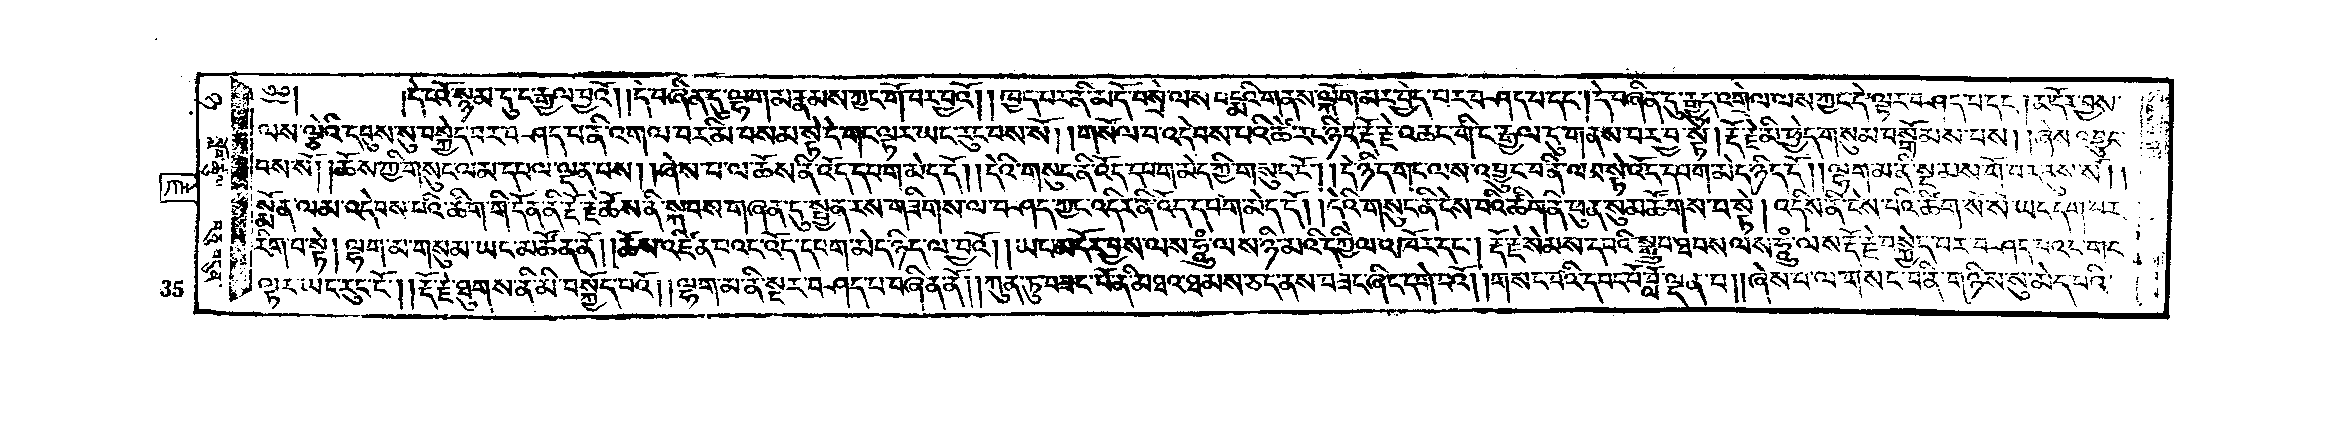༄༅། །དེ་ངོའོ་སྙམ་དུ་ང་རྒྱལ་བྱའོ། །དེ་བཞིན་དུ་ལྷག་མ་རྣམས་ཀྱང་གོ་བར་བྱའོ། །ཁྱད་པར་ནི་མདོ་བསྲེ་ལས་པདམའི་གནས་ལྐོག་མར་བྱེད་པར་བཤད་པ་དང་། དེ་བཞིན་དུ་རྒྱུད་འགྲེལ་ལས་ཀྱང་དེ་ལྟར་བཤད་པ་དང་། མདོར་བྱས་
ལས་ལྕེའི་དབུས་སུ་བསྐྱེད་པར་བཤད་པ་ནི་འགལ་བར་མི་བསམ་སྟེ་དེ་གང་ལྟར་ཡང་རུང་བས་སོ། །གསོལ་བ་འདེབས་པའི་ཚེ་རང་ཉིད་རྡོ་རྗེ་འཆང་གི་ང་རྒྱལ་དུ་གནས་པར་བྱ་སྟེ། རྡོ་རྗེ་མི་ཕྱེད་གསུམ་བསྒོམས་པས། །ཞེས་འབྱུང་
བས་སོ། །ཆོས་ཀྱི་གསུང་ལམ་དཔལ་ལྡན་པས། །ཞེས་པ་ལ་ཆོས་ནི་འོད་དཔག་མེད་དོ། །དེའི་གསུང་ནི་འོད་དཔག་མེད་ཀྱི་གསུང་ངོ། །དེ་ཉིད་གང་ལས་འབྱུང་བ་ནི་ལམ་སྟེ་འོད་དཔག་མེད་ཉིད་དོ། །ལྷག་མ་ནི་སྔ་མས་གོ་བར་ནུས་སོ། །
སྨོན་ལམ་འདེབས་པའི་ཚིག་གི་དོན་ནི་རྡོ་རྗེ་ཆོས་ནི་སྐབས་གཞན་དུ་སྤྱན་རས་གཟིགས་ལ་བཤད་ཀྱང་འདིར་ནི་འོད་དཔག་མེད་དོ། །དེའི་གསུང་ནི་ངེས་བའི་ཚིག་ནི་ཕུན་སུམ་ཚོགས་པ་སྟེ། འདིས་ནི་ངེས་པའི་ཚིག་སོ་སོ་ཡང་དག་པར་
རིག་པ་སྟེ། ལྷག་མ་གསུམ་ཡང་མཚོན་ནོ། །ཆོས་འཛིན་པའང་འོད་དཔག་མེད་ཉིད་ལ་བྱའོ། །ཡང་མདོར་བྱས་ལས་ཧཱུཾ་ལས་ཉི་མའི་དཀྱིལ་འཁོར་དང་། རྡོ་རྗེ་སེམས་དཔའི་སྒྲུབ་ཐབས་ལས་ཧཱུཾ་ལས་རྡོ་རྗེ་བསྐྱེད་པར་བཤད་པའང་གང་
ལྟར་ཡང་རུང་ངོ། །རྡོ་རྗེ་ཐུགས་ནི་མི་བསྐྱོད་པའོ། །ལྷག་མ་ནི་སྔར་བཤད་པ་བཞིན་ནོ། །ཀུན་ཏུ་བཟང་པོ་ནི་མཐའ་ཐམས་ཅད་ནས་བཟང་ཞིང་དགེ་བའོ། །གསང་བའི་དབང་པོ་བློ་ལྡན་པ། །ཞེས་པ་ལ་གསང་བ་ནི་གཉིས་སུ་མེད་པའི་